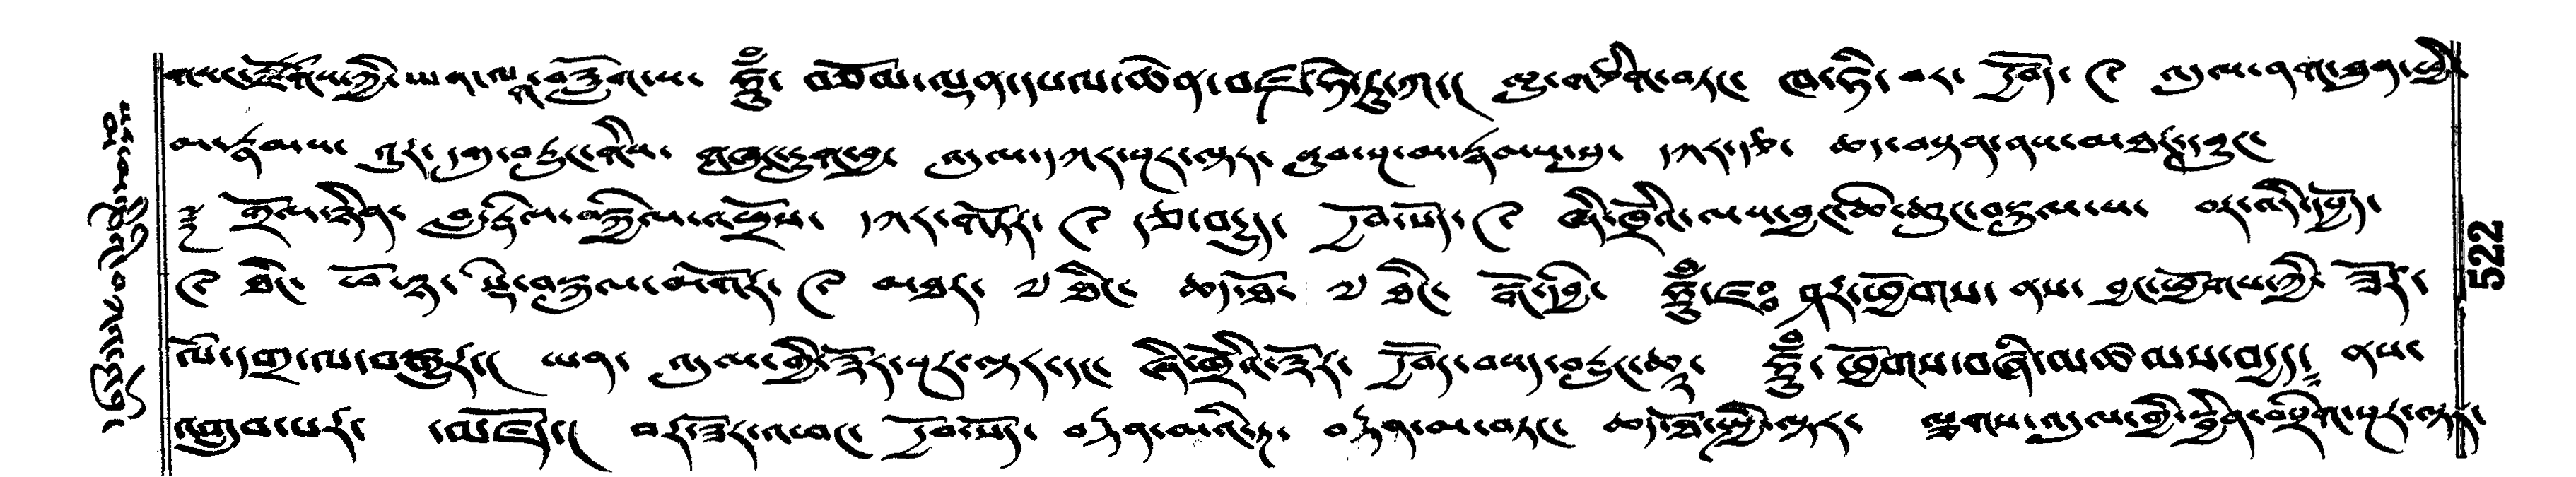གསང་རྫོགས་ཀྱི་ཡན་ལག་བཟློག་པ། ཧཱུྃ༔ བཅོམ་ལྡན་དཔལ་ཆེན་བཛྲ་ཧེ་རུ་ཀ༔ ལྷུ་གཅིག་བཏང་། ཁ་ཧིཿ བར། རྒྱོབ་སོད་དགུ་རྡུང་། འདུལ་ནག་ཐུན་ཕྱི་
མ་རྣམས། འུར་དགུ་བརྡུང་གིས། གཞུང་རྒྱུག་བྱ། འདུལ་དཀར་སྔར་ལྟར། ནུབ་སྔ་མ་རྣམས་སུ། དཀར་རྩ། ཆད་བསྟན་ནས་མཐར་དབྱུངས། 
༈ གྲོལ་ཉིན། བླ་རྡེལ་བསྐྱེལ་འཕྲོས། དཀར་གཏོར། དགུ། རྩ་བརྒྱུད། རྒྱོབ་སོད་དགུ། ཞི་ཁྲོའི་ལས་བྱང་ཆེ་ཆུང་བསྐུལ་པ། བར་འདིར་དཔྱོད། 
དགུ་ཐིང་། ཕོ་ཉ། སྡེ་བསྐུལ་འགོར་དགུ མཐར་བདུན་ཐིང་། ཆད་ཐོ། བདུན་ཐིང་། སྒོ་དབྱེ། ཧཱུྃ་ཛཿཤར་ཕྱོགས༴ ནས། བྱང་ཕྱོགས་ཀྱི། ཟོར་
ལམ་དགྲ་ལ་བསྒྱུར༔ ཡན། འདུལ་གྱི་ཟོར་སྔར་ལྟར་དང་། ཞི་ཁྲོའི་ཟོར། རྒྱོབ་སོད་བསད་རྡུང་ཆ་གཉིས། ཧཱུྃ༔ཕྱོགས་བཞི་མཚམས་བརྒྱད༴ ནས། 
འགྲུབ་པར་མཛོད༔ བར་ཟོར་འཕང་། རྒྱོབ་སོད། བརྟན་མའི་རྔ། བརྟན་མ་བཏང་། ཆད་ཐོ་སྤྱི་ལྟར།ལྕགས་འདུལ་གྱི་སྦྱིན་བསྲེག་སྔར་ལྟར།